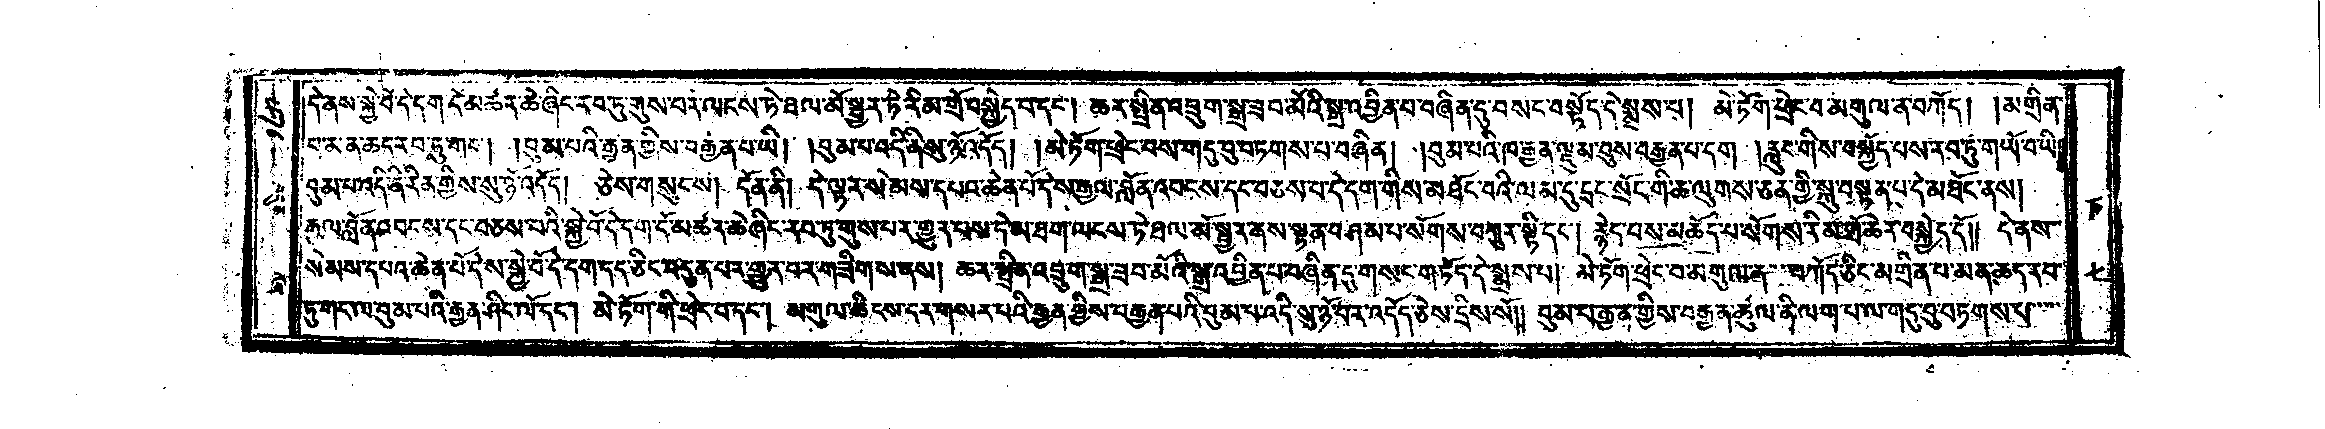དེ་ནས་སྐྱེ་བོ་དེ་དག་ངོ་མཚར་ཆེ་ཞིང་རབ་ཏུ་གུས་པར་ལངས་ཏེ་ཐལ་མོ་སྦྱར་ཏེ་རིམ་གྲོ་བསྐྱེད་པ་དང་། ཆར་སྤྲིན་འབྲུག་སྒྲ་ཟབ་མོའི་སྒྲ་འབྱིན་པ་བཞིན་དུ་བསང་བསྟོད་དེ་སྨྲས་པ། མེ་ཏོག་ཕྲེང་བ་མགུལ་ན་བཀོད། །མགྲིན་
པ་མན་ཆད་རབ་ཏུ་གང་། །བུམ་པའི་རྒྱན་གྱིས་བརྒྱན་པ་ཡི། །བུམ་པ་འདི་ནི་སུ་ཉོ་འདོད། །མེ་ཏོག་ཕྲེང་བས་གདུ་བུ་བཏགས་པ་བཞིན། །བུམ་པའི་ཁ་རྒྱན་ལྡུམ་བུས་བརྒྱན་པ་དག །རླུང་གིས་བསྐྱོད་པས་རབ་ཏུ་གཡོ་བ་ཡི།།
བུམ་པ་འདི་ནི་རིན་གྱིས་སུ་ཉོ་འདོད། ཅེས་གསུངས། དོན་ནི། དེ་ལྟར་སེམས་དཔའ་ཆེན་པོ་དེས་རྒྱལ་བློན་འབངས་དང་བཅས་པ་དེ་དག་གིས་མཐོང་བའི་ལམ་དུ་དྲང་སྲོང་གི་ཆ་ལུགས་ཅན་གྱི་སྐུ་བསྟན་པ་དེ་མཐོང་ནས།
རྒྱལ་བློན་འབངས་དང་བཅས་པའི་སྐྱེ་བོ་དེ་དག་ངོ་མཚར་ཆེ་ཞིང་རབ་ཏུ་གུས་པར་གྱུར་པས་དེ་མ་ཐག་ལངས་ཏེ་ཐལ་མོ་སྦྱར་ནས་སྟན་བཤམ་པ་སོགས་བཀུར་སྟི་དང་། རྙེད་པས་མཆོད་པ་སོགས་རིམ་གྲོ་ཆེར་བསྐྱེད་དོ།། དེ་ནས་
སེམས་དཔའ་ཆེན་པོ་དེས་སྐྱེ་བོ་དེ་དག་དད་ཅིང་འདུན་པར་གྱུར་བར་གཟིགས་ནས། ཆར་སྤྲིན་འབྲུག་སྒྲ་ཟབ་མོའི་སྒྲ་འབྱིན་པ་བཞིན་དུ་གསང་གཏོད་དེ་སྨྲས་པ། མེ་ཏོག་ཕྲེང་བ་མགུལ་ན་བཀོད་ཅིང་མགྲིན་པ་མན་ཆད་རབ་
ཏུ་གང་ལ་བུམ་པའི་རྒྱན་ཤིང་ལོ་དང་། མེ་ཏོག་གི་ཕྲེང་བ་དང་། མགུལ་ཆིངས་དར་གསར་པའི་རྒྱན་གྱིས་བརྒྱན་པའི་བུམ་པ་འདི་སུ་ཉོ་བར་འདོད་ཅེས་དྲིས་སོ།། བུམ་པ་རྒྱན་གྱིས་བརྒྱན་ཚུལ་ནི་ལག་པ་ལ་གདུ་བུ་བཏགས་པ་